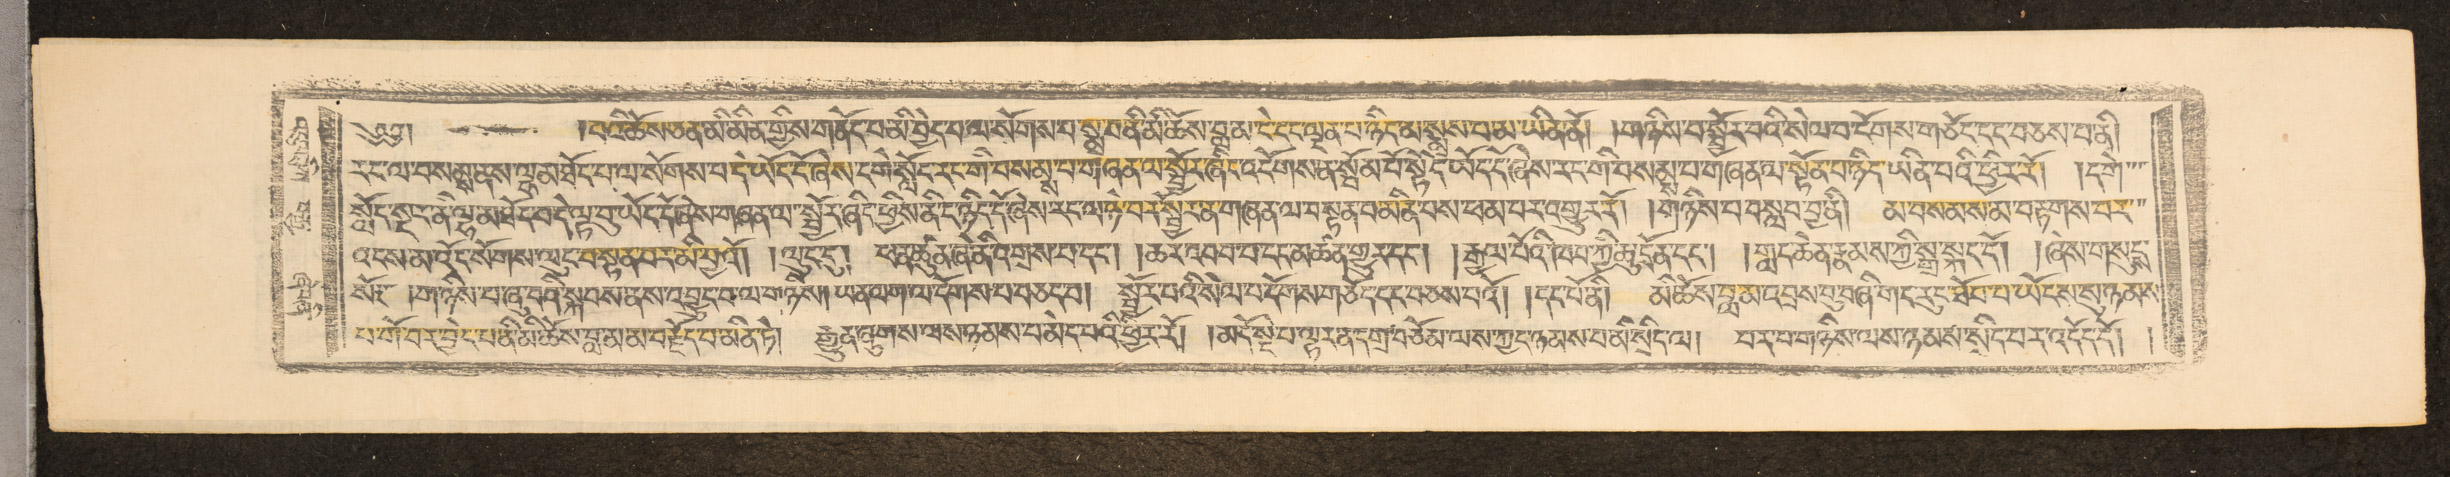༄༅། །པའི་ཆོས་ཅན་མི་མིན་གྱིས་གནོད་པ་མི་བྱེད་པ་ལ་སོགས་པ་སྨྲ་བ་ནི་མི་ཆོས་བླ་མ་དེ་དང་ལྡན་པ་ཉིད་མ་སྨྲས་པ་མ་ཡིན་ནོ། །གཉིས་པ་སྦྱོར་བའི་སེལ་བ་དོགས་གཅོད་དང་བཅས་པ་ནི།
རང་ལ་བསམས་ནས་ལྷ་མཐོང་བ་ལ་སོགས་པ་དེ་ཡོད་དོ་ཞེས་དགེ་སློང་རང་གི་བསམས་པ་གཞན་ལ་སྦྱོར་ཞིང་འདོགས་ན་སྦོམ་པོ་སྟེང་ཡོད་དོ་ཞེས་རང་གི་བསམས་པ་གཞན་ལ་སྟོན་པ་ཉིད་ཡིན་པའི་ཕྱིར་རོ། །དགེ་
སློང་སྔར་ནི་ལྷ་མཐོང་བ་དེ་ལྟ་བུ་ཡོད་དོ་ཞེས་གཞན་ལ་སྦྱོར་ཞིང་ཕྱིས་ནི་ང་ཉིད་དོ་ཞེས་རང་ལ་ཉེ་བར་སྦྱོར་ན་གཞན་ལ་བསྟན་པ་མིན་པས་ཕམ་པར་འགྱུར་རོ། །གཉིས་པ་བསླབ་བྱ་ནི། མ་བསམས་མ་བརྟགས་པར་
འདས་མ་འོང་སོགས་ལུང་བསྟན་པར་མི་བྱའོ། །ལུང་དུ། ཕན་ཚུན་ཞེ་ནི་འགྲས་པ་དང་། །ཆར་འབབ་པ་དང་མཚན་གྱུར་དང་། །རྒྱལ་པོའི་ཁབ་ཀྱི་ཆུ་དྲོན་དང་། །གླང་ཆེན་རྣམས་ཀྱི་སྒྲ་སྐད་དོ། །ཞེས་གསུངས་
སོ༑ ༑གཉིས་པ་ཞུ་བའི་སྐབས་ནས་འབྱུང་བ་ལ་གཉིས། ཡན་ལག་ལ་དོགས་པ་བཅད་པ། སྦྱོར་པའི་སེལ་པ་དོགས་གཅོད་དང་བཅས་པའོ། །དང་པོ་ནི། མི་ཆོས་བླ་མ་འབྲས་བུ་བཞི་གང་རུང་ཐོབ་པ་ཡོངས་སུ་ཉམས་
པ་གོ་བར་བྱེད་པ་ནི་མི་ཆོས་བླ་མ་མ་བརྗོད་པ་མིན་ཏེ། རྒྱུན་ཞུགས་ལས་ཉམས་པ་མེད་པའི་ཕྱིར་རོ། །མདོ་སྡེ་པ་ལྟར་ན་དགྲ་བཅོམ་ལས་ཀྱང་ཉམས་པ་མི་སྲིད་ལ། བར་པ་གཉིས་ལས་ཉམས་སྲིད་བར་འདོད་དོ། །